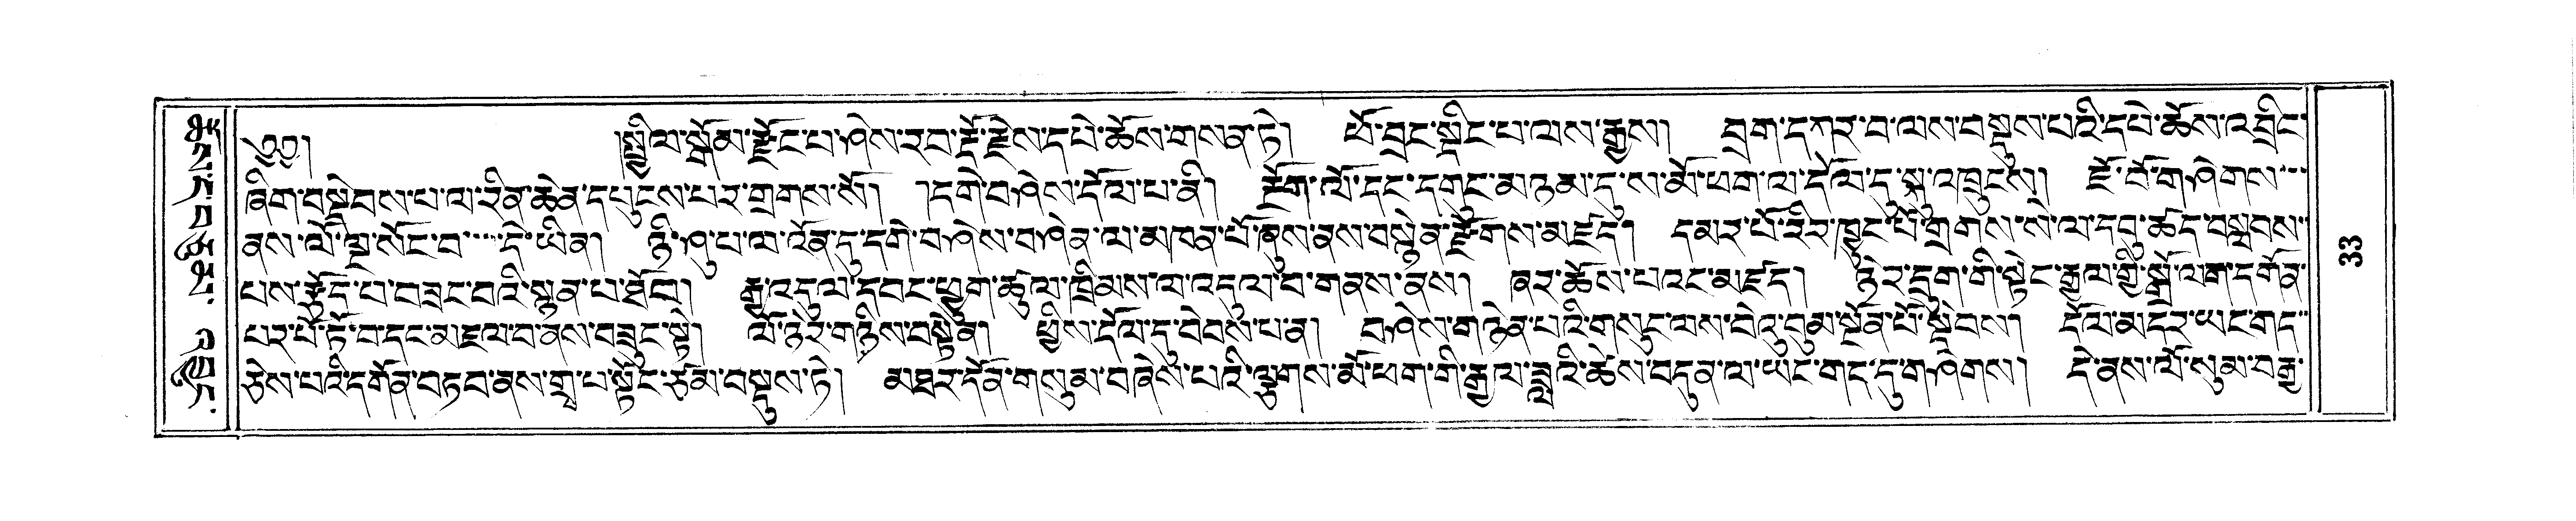༄༅། །སྤྱིལ་སྒོམ་རྫོང་པ་ཤེས་རབ་རྡོ་རྗེས་དཔེ་ཆོས་གསན་ཏེ། ཕོ་བྲང་སྡིང་པ་ལས་རྒྱས། བྲག་དཀར་བ་ལས་བསྡུས་པའི་དཔེ་ཆོས་འབྲིང་
ཞིག་བསྡེབས་པ་ལ་རིན་ཆེན་དཔུངས་པར་གྲགས་སོ། །དགེ་བཤེས་དོལ་པ་ནི། རྔོག་ལོ་དང་དགུང་མཉམ་དུ་ས་མོ་ཕག་ལ་དོལ་དུ་སྐུ་འཁྲུངས། ཇོ་བོ་གཤེགས་
ནས་ལོ་ལྔ་སོང་བ་དེ་ཡིན། ཉི་ཤུ་པ་ལ་འོན་དུ་དགེ་བཤེས་བཤེན་ལ་མཁན་པོ་ཞུས་ནས་བསྙེན་རྫོགས་མཛད། དམར་པོ་རིར་ཁྱུང་པོ་གྲགས་སེ་ལ་དབུ་ཚད་བསླབས་
པས་རྩོད་པ་བཟང་བའི་སྙན་པ་ཐོབ། རྒྱ་འདུལ་དབང་ཕྱུག་ཚུལ་ཁྲིམས་ལ་འདུལ་བ་གནས་ནས། ཞར་ཆོས་པའང་མཛད། ཉེར་དྲུག་གི་སྟེང་རྒྱལ་གྱི་སྒྲོ་ལག་དགོན་
པར་པོ་ཏོ་བ་དང་མཇལ་བ་ནས་བཟུང་སྟེ། ལོ་ཉེར་གཉིས་བསྟེན། ཕྱིས་དོལ་དུ་བེབས་པ་ན། བཤེས་གཉེན་པའི་གསུང་ལས་བེའུ་བུམ་སྔོན་པོ་སྡེབས། དོལ་མདར་ཡང་གད་
ཅེས་པའི་དགོན་བཏབ་ནས་གྲྭ་པ་སྟོང་ཙམ་བསྡུས་ཏེ། མཐར་དོན་གསུམ་བཞེས་པའི་ལྕགས་མོ་ཕག་གི་རྒྱལ་ཟླའི་ཚེས་བདུན་ལ་ཡང་གང་དུ་གཤེགས། དེ་ནས་ལོ་སུམ་བརྒྱ་